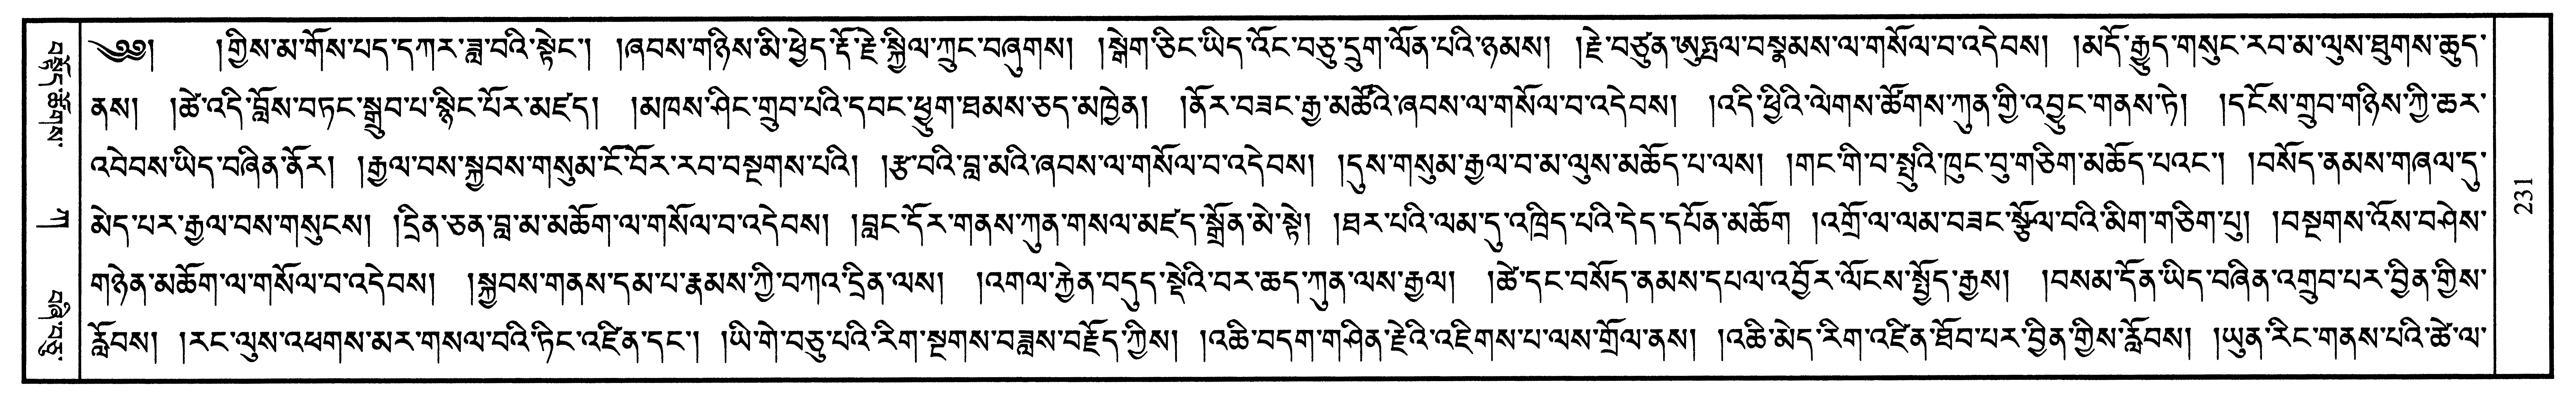༄༅། །གྱིས་མ་གོས་པད་དཀར་ཟླ་བའི་སྟེང་། །ཞབས་གཉིས་མི་ཕྱེད་རྡོ་རྗེ་སྐྱིལ་ཀྲུང་བཞུགས། །སྒེག་ཅིང་ཡིད་འོང་བཅུ་དྲུག་ལོན་པའི་ཉམས། །རྗེ་བཙུན་ཨུཏྤལ་བསྣམས་ལ་གསོལ་བ་འདེབས། །མདོ་རྒྱུད་གསུང་རབ་མ་ལུས་ཐུགས་ཆུད་
ནས། །ཚེ་འདི་བློས་བཏང་སྒྲུབ་པ་སྙིང་པོར་མཛད། །མཁས་ཤིང་གྲུབ་པའི་དབང་ཕྱུག་ཐམས་ཅད་མཁྱེན། །ནོར་བཟང་རྒྱ་མཚོའི་ཞབས་ལ་གསོལ་བ་འདེབས། །འདི་ཕྱིའི་ལེགས་ཚོགས་ཀུན་གྱི་འབྱུང་གནས་ཏེ། །དངོས་གྲུབ་གཉིས་ཀྱི་ཆར་
འབེབས་ཡིད་བཞིན་ནོར། །རྒྱལ་བས་སྐྱབས་གསུམ་ངོ་བོར་རབ་བསྔགས་པའི། །རྩ་བའི་བླ་མའི་ཞབས་ལ་གསོལ་བ་འདེབས། །དུས་གསུམ་རྒྱལ་བ་མ་ལུས་མཆོད་པ་ལས། །གང་གི་བ་སྦུའི་ཁུང་བུ་གཅིག་མཆོད་པའང་། །བསོད་ནམས་གཞལ་དུ་
མེད་པར་རྒྱལ་བས་གསུངས། །དྲིན་ཅན་བླ་མ་མཆོག་ལ་གསོལ་བ་འདེབས། །བླང་དོར་གནས་ཀུན་གསལ་མཛད་སྒྲོན་མེ་སྟེ། །ཐར་པའི་ལམ་དུ་འཁྲིད་པའི་དེད་དཔོན་མཆོག །འགྲོ་ལ་ལམ་བཟང་སྩོལ་བའི་མིག་གཅིག་པུ། །བསྔགས་འོས་བཤེས་
གཉེན་མཆོག་ལ་གསོལ་བ་འདེབས། །སྐྱབས་གནས་དམ་པ་རྣམས་ཀྱི་བཀའ་དྲིན་ལས། །འགལ་རྐྱེན་བདུད་སྡེའི་བར་ཆད་ཀུན་ལས་རྒྱལ། །ཚེ་དང་བསོད་ནམས་དཔལ་འབྱོར་ལོངས་སྤྱོད་རྒྱས། །བསམ་དོན་ཡིད་བཞིན་འགྲུབ་པར་བྱིན་གྱིས་
རློབས། །རང་ལུས་འཕགས་མར་གསལ་བའི་ཏིང་འཛིན་དང་། །ཡི་གེ་བཅུ་པའི་རིག་སྔགས་བཟླས་བརྗོད་ཀྱིས། །འཆི་བདག་གཤིན་རྗེའི་འཇིགས་པ་ལས་གྲོལ་ནས། །འཆི་མེད་རིག་འཛིན་ཐོབ་པར་བྱིན་གྱིས་རློབས། །ཡུན་རིང་གནས་པའི་ཚེ་ལ་